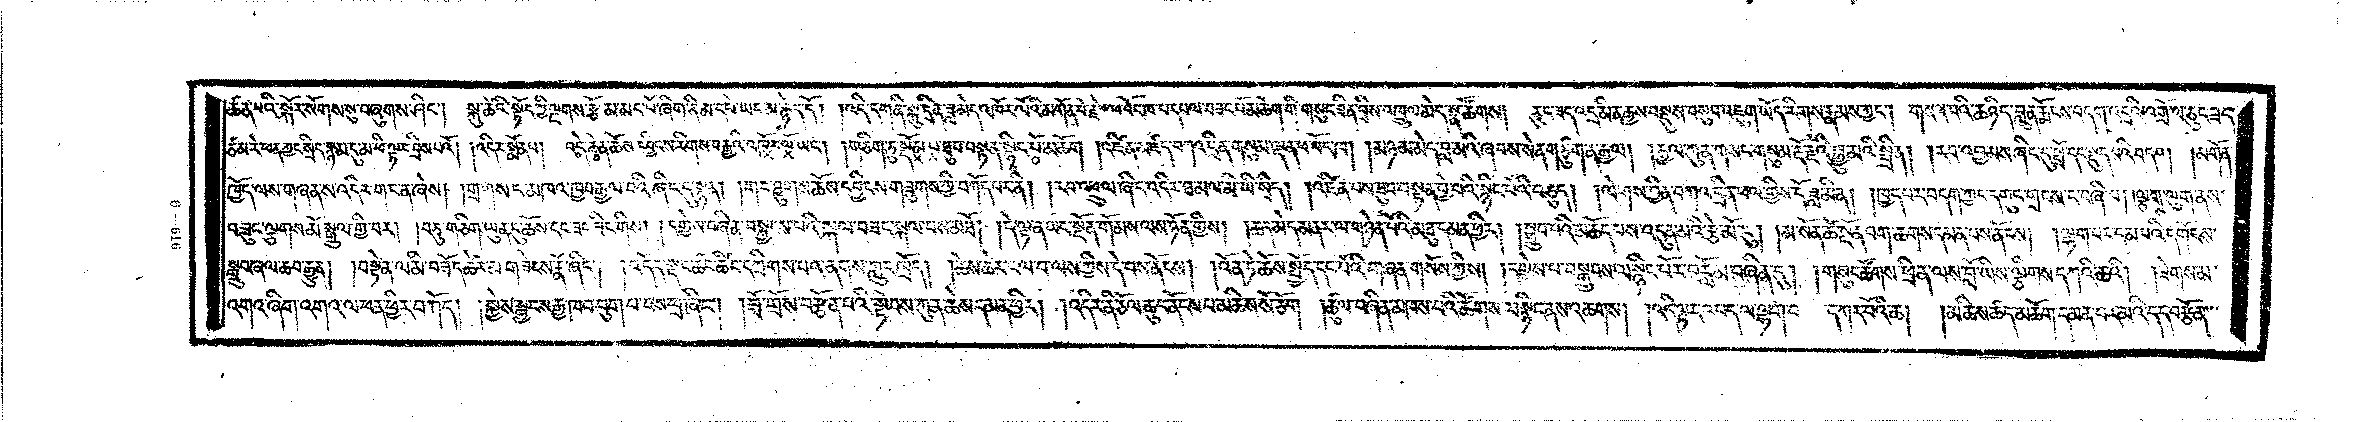ཚན་པའི་སྐོར་སོགས་སུ་བཞུགས་ཤིང་། སྐུ་ཚེའི་སྟོད་ཀྱི་ལྔགས་རྩོམ་མང་པོ་ཞིག་རིམ་དཔེ་ཡང་མ་རྙེད་དོ། །འདི་དག་ནིསྐུ་དྲིན་ཟླ་མེད་འཁོར་ལོའི་མགོན་པོ་རྗེ ༧ཕ་བོང་ཁ་པ་དཔལ་བཟང་པོ་མཆོག་གི་གསུང་ཟིན་བྲིས་འཁྲུལ་མེད་སྣ་ཚོགས། ཅུང་ཟད་འདྲ་མིན་རྒྱས་བསྡུས་བསུབ་འཇུག་ཡོད་རིགས་རྣམས་ཀྱང་། གསལ་བའི་ཆ་ཉིད་བླུན་རྨོངས་བདག་འདྲའི་འགྲོ་ལ་ཅུང་ཟད་
ཙམ་རེ་ཕན་ཀྱང་སྲིད་སྙམ་དུ་མ་ཕི་ལྟར་བྲིས་པའོ། །འདིར་སྨོན་པ། བདེ྾་ཆེན྾་ཆོས་དབྱིངས་རིགས་བརྒྱའི་འཁོར྾་ལོ྾་ཡང་། །གཅིག་ཏུ་སྡོམ྾་པ་ཐུབ་བསྟན་སྙིང་པོ྾་མཆོག །འཛིན་མཛད་བཀའ་དྲིན་གསུམ་ལྡན་ཕ་བོང་ཁ། །མཉམ་མེད་བླ་མའི་ཞབས་སེན་གཙུག་ན་རྒྱལ། །རྒྱལ་ཀུན་གསང་གསུམ་རྡོ་རྗེའི་སྒྱུ་མའི་སྤྲིན། །རབ་འབྱམས་ཞིང་དུ་སྤྲོ་དང་སྡུད་པའི་བདབ། །མགོན་
ཁྱོད་ལས་གཞན་ས་འདིར་གང་ན་ཞེས། །གྲགས་ང་མཁའ་ཁྱབ་རྒྱལ་བའི་ཞིང་དུ་སྙན། །གང་ཐུགས་ཆོས་དབྱིངས་གཟུགས་ཀྱི་བཀོད་པར་ནི། །རབ་འཕྲུལ་ཞིང་འདིར་ཐ་མལ་མི་ཡི་སྲིད། །འཛིན་པས་ཐུབ་བསྟན་བྱེ་བའི་སྙིང་པོའི་བཅུད། །ལེགས་བྱིན་བཀའ་དྲིན་ཕལ་གྱིས་དོ་ཟླ་མིན། །ཁྱད་པར་བདག་ཀྱང་དགུང་གྲངས་ང་བཞི་པ། །ལྕགས་ལུག་ནས་
བཟུང་ལྕགས་མོ་སྒྲུལ་གྱི་བར། །བཅུ་གཅིག་ཡུན་དུ་ཆོས་དང་ཟང་ཟིང་གིས། །དགྱེས་བཞིན་བསྐྱངས་པའི་སྐལ་བཟང་སྐལ་བས་མཐོ། །དེ་ལྟ་ན་ཡང་སྔོན་གོམས་ལས་ཉོན་གྱིས། །ཆད་མེད་མནར་ལ་གཉེན་པོའི་མཐུ་དམན་ཕྱིར། །སྒྲུབ་པའི་མཆོད་པས་འདུན་མའི་རྩེ་མོ་རུ། །མ་སོན་ཚེ་སྔོན་བག་ཆགས་དམན་པས་ནོངས། །ལྷག་བར་དམ་པའི་དགོངས་
སྒྲུབ་ཞལ་ཆབ་རྒྱུན། །བསྟེན་ལ་མི་བཟོད་ཚེར་མ་གཟེངས་རྣོ་ཞིང་། །འདོད་སྡང་ཚང་ཚིང་དཀྲིགས་པའི་ནགས་ཀླུང་ཁྲོད། །ཆེས་ཆེར་ངལ་བ་ལས་ཀྱིས་དེ་བས་ནོངས། །འོན་ཏེ་ཆོས་སྤྱོད་དང་པོའི་གཞན་གསོས་ཀྱིས། །དགྱེས་པ་བསྒྲུབས་ལ་སྙིང་པོར་བརློམ་བཞིན་དུ། །གསུང་ཚོགས་ཕྲིན་ལས་བློ་ཡིས་ལྕིགས་དཀའི་ཆའི། །ཟེགས་མ་
འགའ་ཞིག་འགའ་ལ་ཕན་ཕྱིར་བཀོད། །སྐྱེས་སྦྱངས་རྒྱ་ཁབ་བུག་པ་བས་ཕྲ་ཞིང་། །བློ་གྲོས་བརྩོན་པའི་སྟེབས་ཀུན་ཆེས་དམན་ཕྱིར། །འདིར་ནི་ཅོལ་ཆུང་ནོངས་པ་མཆིས་སོ་ཅོག །ཚུལ་བཞིན་མཁས་པའི་ཚོགས་ལ་སྙིང་ནས་འཆགས། །འདི་ལྟར་འབད་ལ་ལྷག་བ་དཀར་བོའི་ཆ། །མཆིས་ཚད་མཆོག་དམན་བར་མའི་དད་བརྩོན་